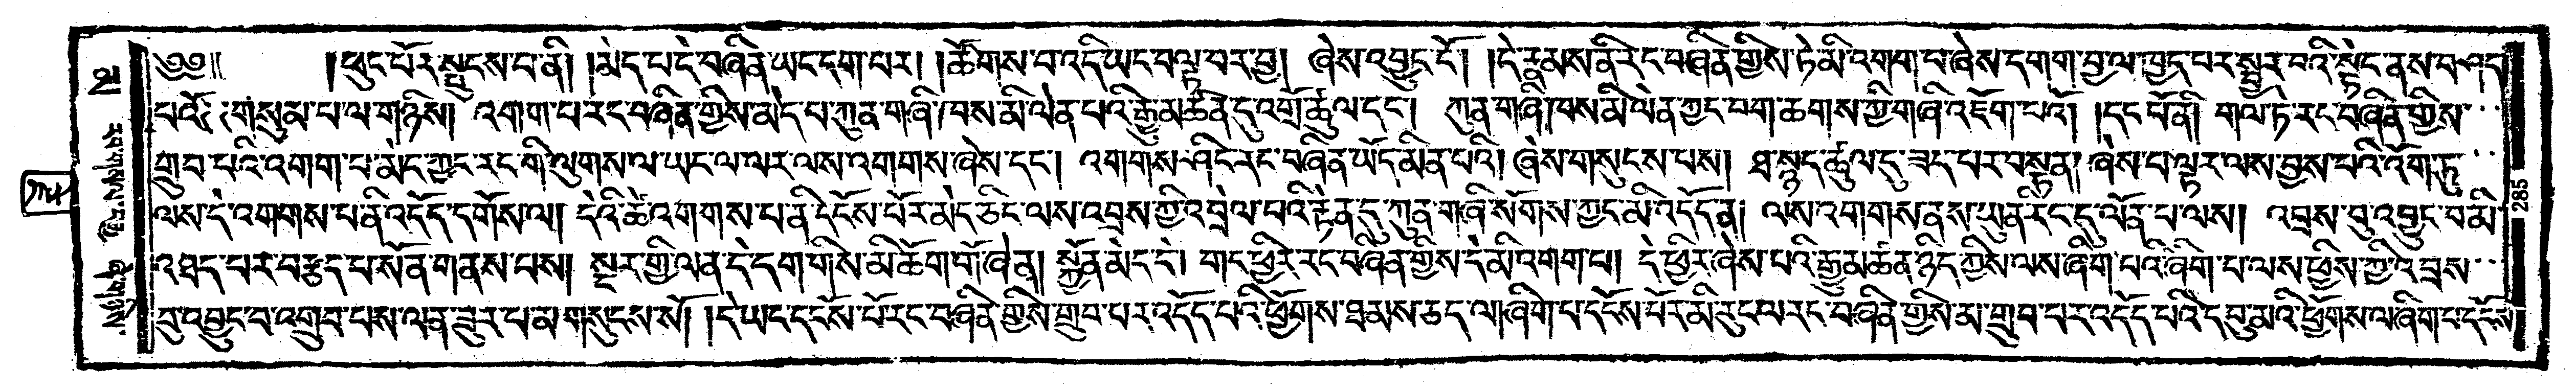༄༅། །ཕུང་པོར་སྤུངས་པ་ནི། །མེད་པ་དེ་བཞིན་ཡང་དག་པར། །ཚོགས་པ་འདི་ཡང་བལྟ་བར་བྱ། ཞེས་འབྱུང་ངོ། །དེ་རྣམས་ནི་རང་བཞིན་གྱིས་ཏེ་མི་འགག་པ་ཞེས་དགག་བྱ་ལ་ཁྱད་པར་སྦྱར་བའི་སྟེང་ནས་བཤད་
པའོ༑ ༑གསུམ་པ་ལ་གཉིས། འགག་པ་རང་བཞིན་གྱིས་མེད་པ་ཀུན་གཞི་ཁས་མི་ལེན་པའི་རྒྱུ་མཚན་དུ་འགྲོ་ཚུལ་དང་། ཀུན་གཞི་ཁས་མི་ལེན་ཀྱང་བག་ཆགས་ཀྱི་གཞི་འཇོག་པའོ། །དང་པོ་ནི། གལ་ཏེ་རང་བཞིན་གྱིས་
གྲུབ་པའི་འགག་པ་མེད་ཀྱང་རང་གི་ལུགས་ལ་ཡང་ལ་ལར་ལས་འགགས་ཞེས་དང་། འགགས་ཤིང་རང་བཞིན་ཡོད་མིན་པའི། ཞེས་གསུངས་པས། ཐ་སྙད་ཚུལ་དུ་ཟད་པར་བསྟན། ཞེས་པ་ལྟར་ལས་བྱས་པའི་འོག་ཏུ་
ལས་དེ་འགགས་པ་ནི་འདོད་དགོས་ལ། དེའི་ཚེ་འགགས་པ་ནི་དངོས་པོར་མེད་ཅིང་ལས་འབྲས་ཀྱི་འབྲེལ་པའི་རྟེན་དུ་ཀུན་གཞི་སོགས་ཀྱང་མི་འདོད་ན། ལས་འགགས་ནས་ཡུན་རིང་དུ་ལོན་པ་ལས། འབྲས་བུ་འབྱུང་བ་མི་
འཐད་པར་བརྩད་པ་སོན་གནས་པས། སྔར་གྱི་ལན་དེ་དག་གིས་མི་ཆོག་གོ་ཞེ་ན། སྐྱོན་མེད་དེ། གང་ཕྱིར་རང་བཞིན་གྱིས་དེ་མི་འགག་པ། དེ་ཕྱིར་ཞེས་པའི་རྒྱུ་མཚན་ཉིད་ཀྱིས་ལས་ཞིག་པའི་ཞིག་པ་ལས་ཕྱིས་ཀྱི་འབྲས་
བུ་འབྱུང་བ་འགྲུབ་པས་ལན་ཟུར་པ་མ་གསུངས་སོ། །དེ་ཡང་དངོས་པོ་རང་བཞིན་གྱིས་གྲུབ་པར་འདོད་པའི་ཕྱོགས་ཐམས་ཅད་ལ། ཞིག་པ་དངོས་པོར་མི་རུང་ལ་རང་བཞིན་གྱིས་མ་གྲུབ་པར་འདོད་པའི་དབུ་མའི་ཕྱོགས་ལ་ཞིག་པ་དངོས་